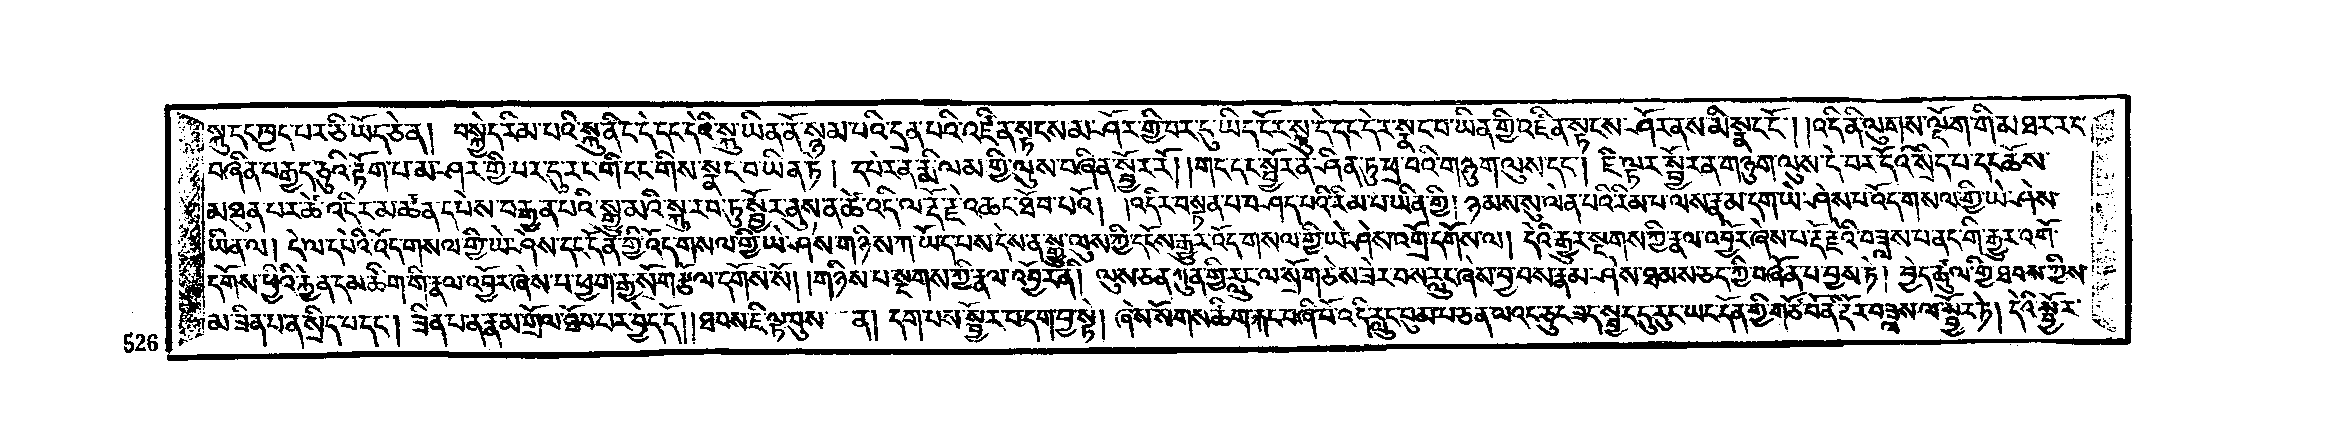སྐུ་དང་ཁྱད་པར་ཅི་ཡོད་ཅེ་ན། བསྐྱེད་རིམ་པའི་སྐུ་ནི་ང་དེ་དང་དེའི་སྐུ་ཡིན་ནོ་སྙམ་པའི་དྲན་པའི་འཛིན་སྟངས་མ་ཤོར་གྱི་བར་དུ་ཡིད་ངོར་སྐུ་དེ་དང་དེར་སྣང་བ་ཡིན་གྱི་འཛིན་སྟངས་ཤོར་ནས་མི་སྣང་ངོ། །འདི་ནི་ལུགས་ལྡོག་གི་མཐར་རང་
བཞིན་བརྒྱད་ཅུའི་རྟོག་པ་མ་ཤར་གྱི་བར་དུ་རང་གི་ངང་གིས་སྣང་བ་ཡིན་ཏེ། དཔེར་ན་རྨི་ལམ་གྱི་ལུས་བཞིན་སྦྱོར་རོ། །གང་དང་སྦྱོར་ན་ཤིན་ཏུ་ཕྲ་བའི་གཉུག་ལུས་དང་། ཇི་ལྟར་སྦྱོར་ན་གཉུག་ལུས་དེ་བར་དོའི་སྲིད་པ་དང་ཆོས་
མཐུན་པར་ཚེ་འདིར་མཚན་དཔེས་བརྒྱན་པའི་སྒྱུ་མའི་སྐུ་རབ་ཏུ་སྦྱོར་ནུས་ན་ཚེ་འདི་ལ་རྡོ་རྗེ་འཆང་ཐོབ་པའོ། །འདིར་བསྟན་པ་བཤད་པའི་རིམ་པ་ཡིན་གྱི། ཉམས་སུ་ལེན་པའི་རིམ་པ་ལས་རྣམ་དག་ཡེ་ཤེས་པ་འོད་གསལ་གྱི་ཡེ་ཤེས་
ཡིན་ལ། དེ་ལ་དཔེའི་འོད་གསལ་གྱི་ཡེ་ཤེས་དང་དོན་གྱི་འོད་གསལ་གྱི་ཡེ་ཤེས་གཉིས་ཀ་ཡོད་པས་དེས་ན་སྒྱུ་ལུས་ཀྱི་དངོས་རྒྱུར་འོད་གསལ་གྱི་ཡེ་ཤེས་འགྲོ་དགོས་ལ། དེའི་རྒྱུར་སྔགས་ཀྱི་རྣལ་འབྱོར་ཞེས་པ་རྡོ་རྗེའི་བཟླས་པ་ནང་གི་རྒྱུར་འགོ་
དགོས་ཕྱིའི་རྐྱེན་དམ་ཚིག་གི་རྣལ་འབྱོར་ཞེས་པ་ཕྱག་རྒྱ་སྲོག་རྩོལ་དགོས་སོ། །གཉིས་པ་སྔགས་ཀྱི་རྣལ་འབྱོར་ནི། ལུས་ཅན་ཀུན་གྱི་རླུང་ལ་སྲོག་ཅེས་ཟེར་བས་རླུང་ཞེས་བྱ་བས་རྣམ་ཤེས་ཐམས་ཅད་ཀྱི་བཞོན་པ་བྱས་ཏེ། ཕྱེད་ཚུལ་གྱི་ཐབས་ཀྱིས་
མ་ཟིན་པ་ན་སྲིད་པ་དང་། ཟིན་པ་ན་རྣམ་གྲོལ་ཐོབ་པར་བྱེད་དོ། །ཐབས་ཇི་ལྟ་བུས་ན། དག་པས་སྦྱོར་བ་དག་བྱ་སྟེ། ཞེས་སོགས་ཚིག་རྐང་བཞི་པོ་འདི་རླུང་བུམ་པ་ཅན་ལའང་ཅུང་ཟད་སྦྱང་དུ་རུང་ཡང་དོན་གྱི་གཙོ་བོ་ནི་རྡོར་བཟླས་ལ་སྦྱོར་ཏེ། དེའི་སྦྱོར་